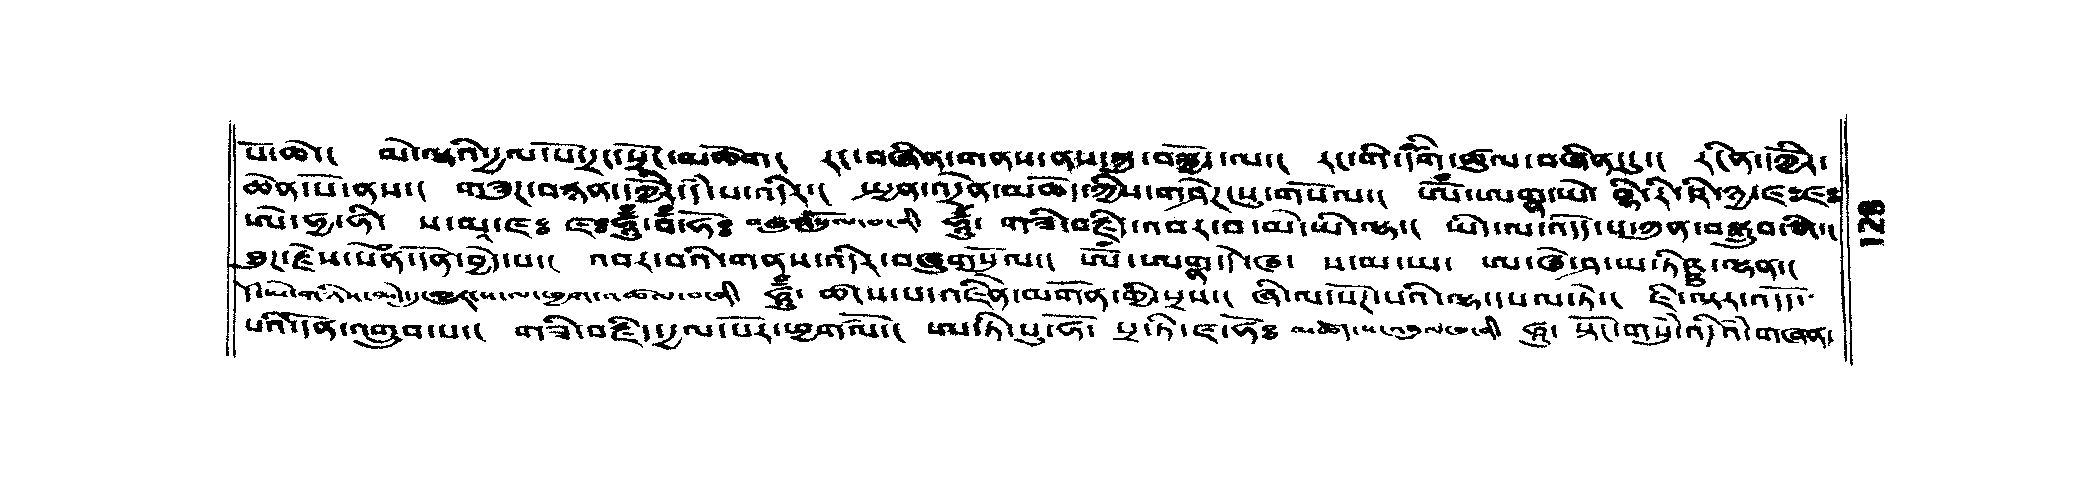པོ་ཆེ། །མེ་ལྷའི་རྒྱལ་པོ་དྲང་སྲོང་མཆོག་རང་བཞིན་གནས་ནས་སྐུ་བསྐྱོད་ལ། །རང་གི་དམ་ཚིག་ཚུལ་བཞིན་དུ། །རང་བཞིན་དཀྱིལ་འཁོར་
ཆེན་པོ་ནས། །གཟུགས་བརྙན་དཀྱིལ་འཁོར་དམ་པ་འདིར། །སྤྱན་འདྲེན་མཆོད་ཀྱིས་གཤེགས་སུ་གསོལ། ། ཨོྃ་ཨགྣ་ཡེ། བྷི་རི་རི་ཉྱ་ཛཿཛཿ 
ཨེ་ཧྱ་ཧི། ས་མཱ་ཛཿ ཛཿཧཱུྃ་བྂ་ཧོཿ བཞུགས་སུ་གསོལ་བ་ནི། ཧཱུྃ། གཟི་བརྗིད་འབར་བ་མེ་ཡི་ལྷ། །ཡིད་ལ་འདོད་པ་ཀུན་བསྒྲུབ་ཅིང་། །
ཐུགས་རྗེས་སེམས་ཅན་དོན་བྱེད་པ། ། འབར་བའི་གནས་འདིར་བཞུགས་སུ་གསོལ། །ཨོྃ་ཨགྣ་དེ་ཝ། ས་མ་ཡ། ཨ་ཝེ་ཤ་ཡ་ཏིཥྠ་ལྷན། 
དམ་ཡེ་གཉིས་མེད་དུ་གྱུར་པ་ལ་ཕྱག་འཚལ་བ་ནི། ཧཱུྃ། ཚངས་པ་འཇིག་རྟེན་མགོན་གྱི་སྲས། །ཞི་ལ་སོགས་པའི་ལྷ་དཔལ་ཏེ། །ཇི་ལྟར་འདོད་
པའི་དོན་འགྲུབ་པ། །གཟི་བརྗིད་རྒྱལ་པོར་ཕྱག་འཚལ་ལོ། །ཨ་ཏི་པུ་ཧོ། པྲ་ཏི་ཛ་ཧོཿ མཆོད་པ་འབུལ་བ་ནི། ཧཱུྃ། སྟོང་གསུམ་འདིའམ་གཞན་